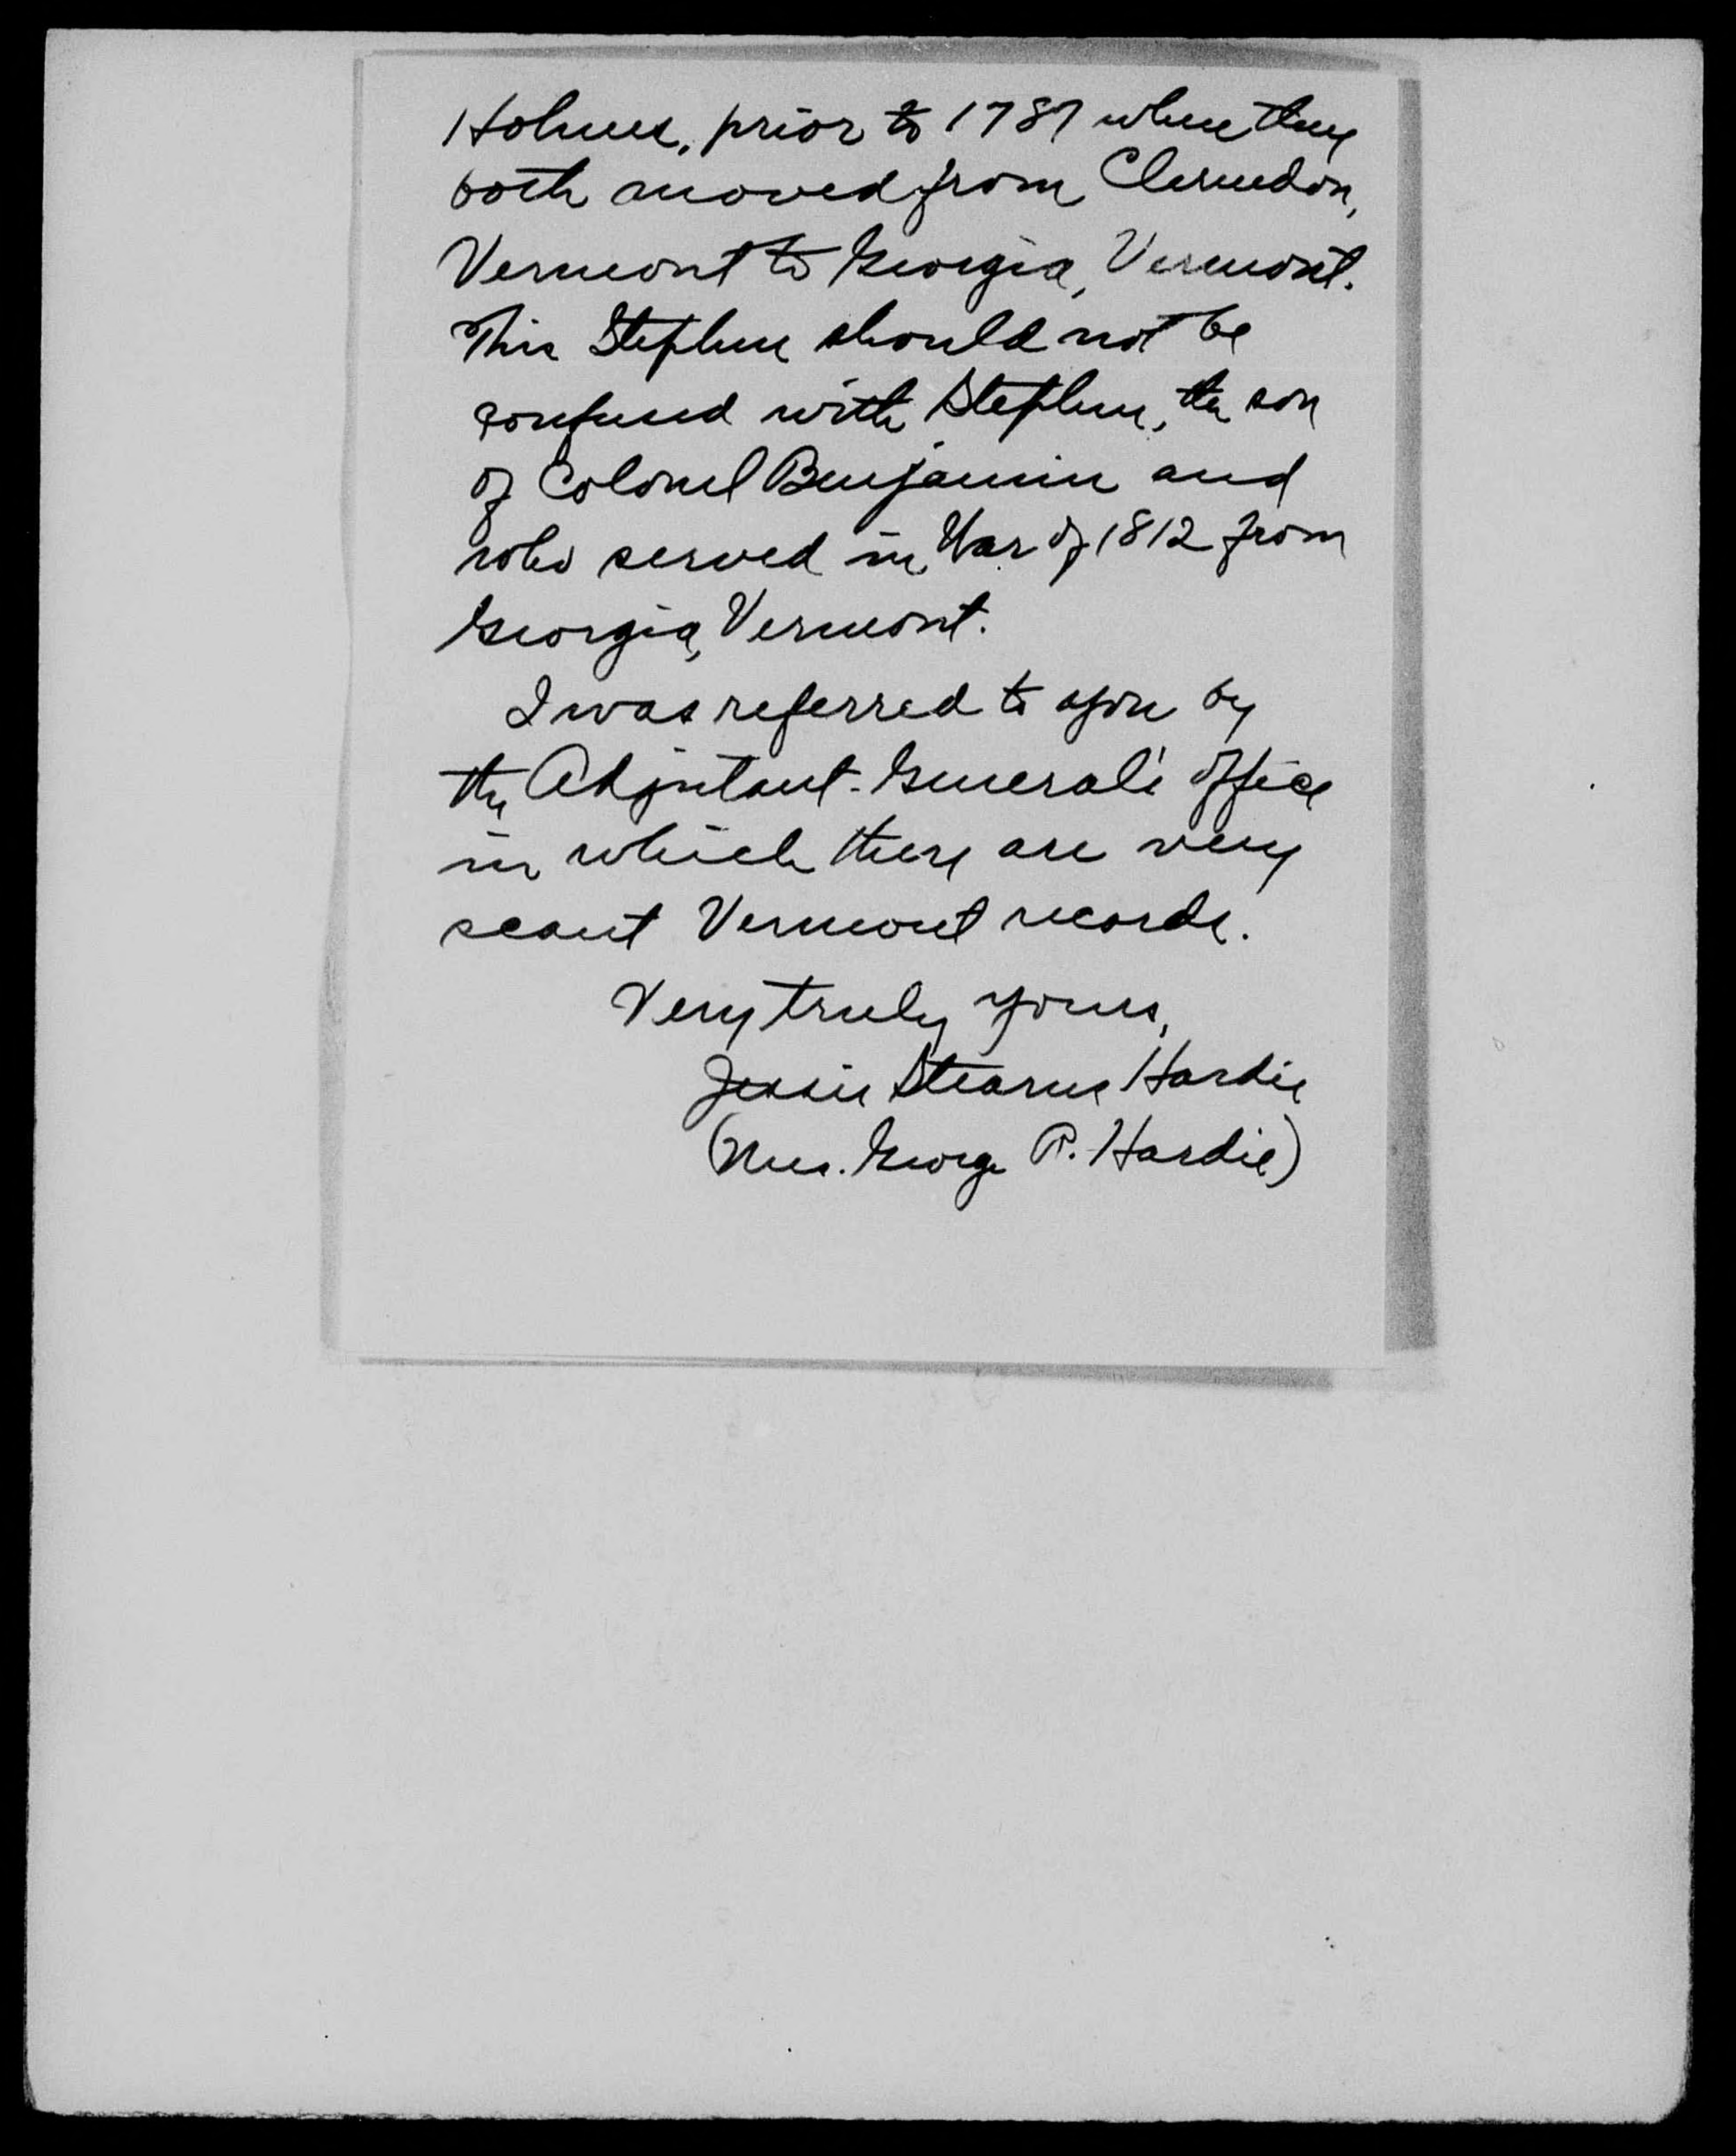Holmes, prior to 1787 where they both moved from Clarendon, Vermont to Georgia, Vermont. This Stephen should not be confused with Stephen, the son of Colonel Benjamin and who served in the War of 1812 from Georgia, Vermont.

I was referred to you by the Adjutant General's office in which there are very scant Vermont records.

Very Truly Yours,
Jessie Stearns Hardie
(Mrs. George R. Hardie)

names: Stephen, Holmes, Stephen, Benjamin, Jessie Stearns Hardie, George R Hardie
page: 61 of 72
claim: widow's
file: W. 7771, Stephen Holmes, Vt.